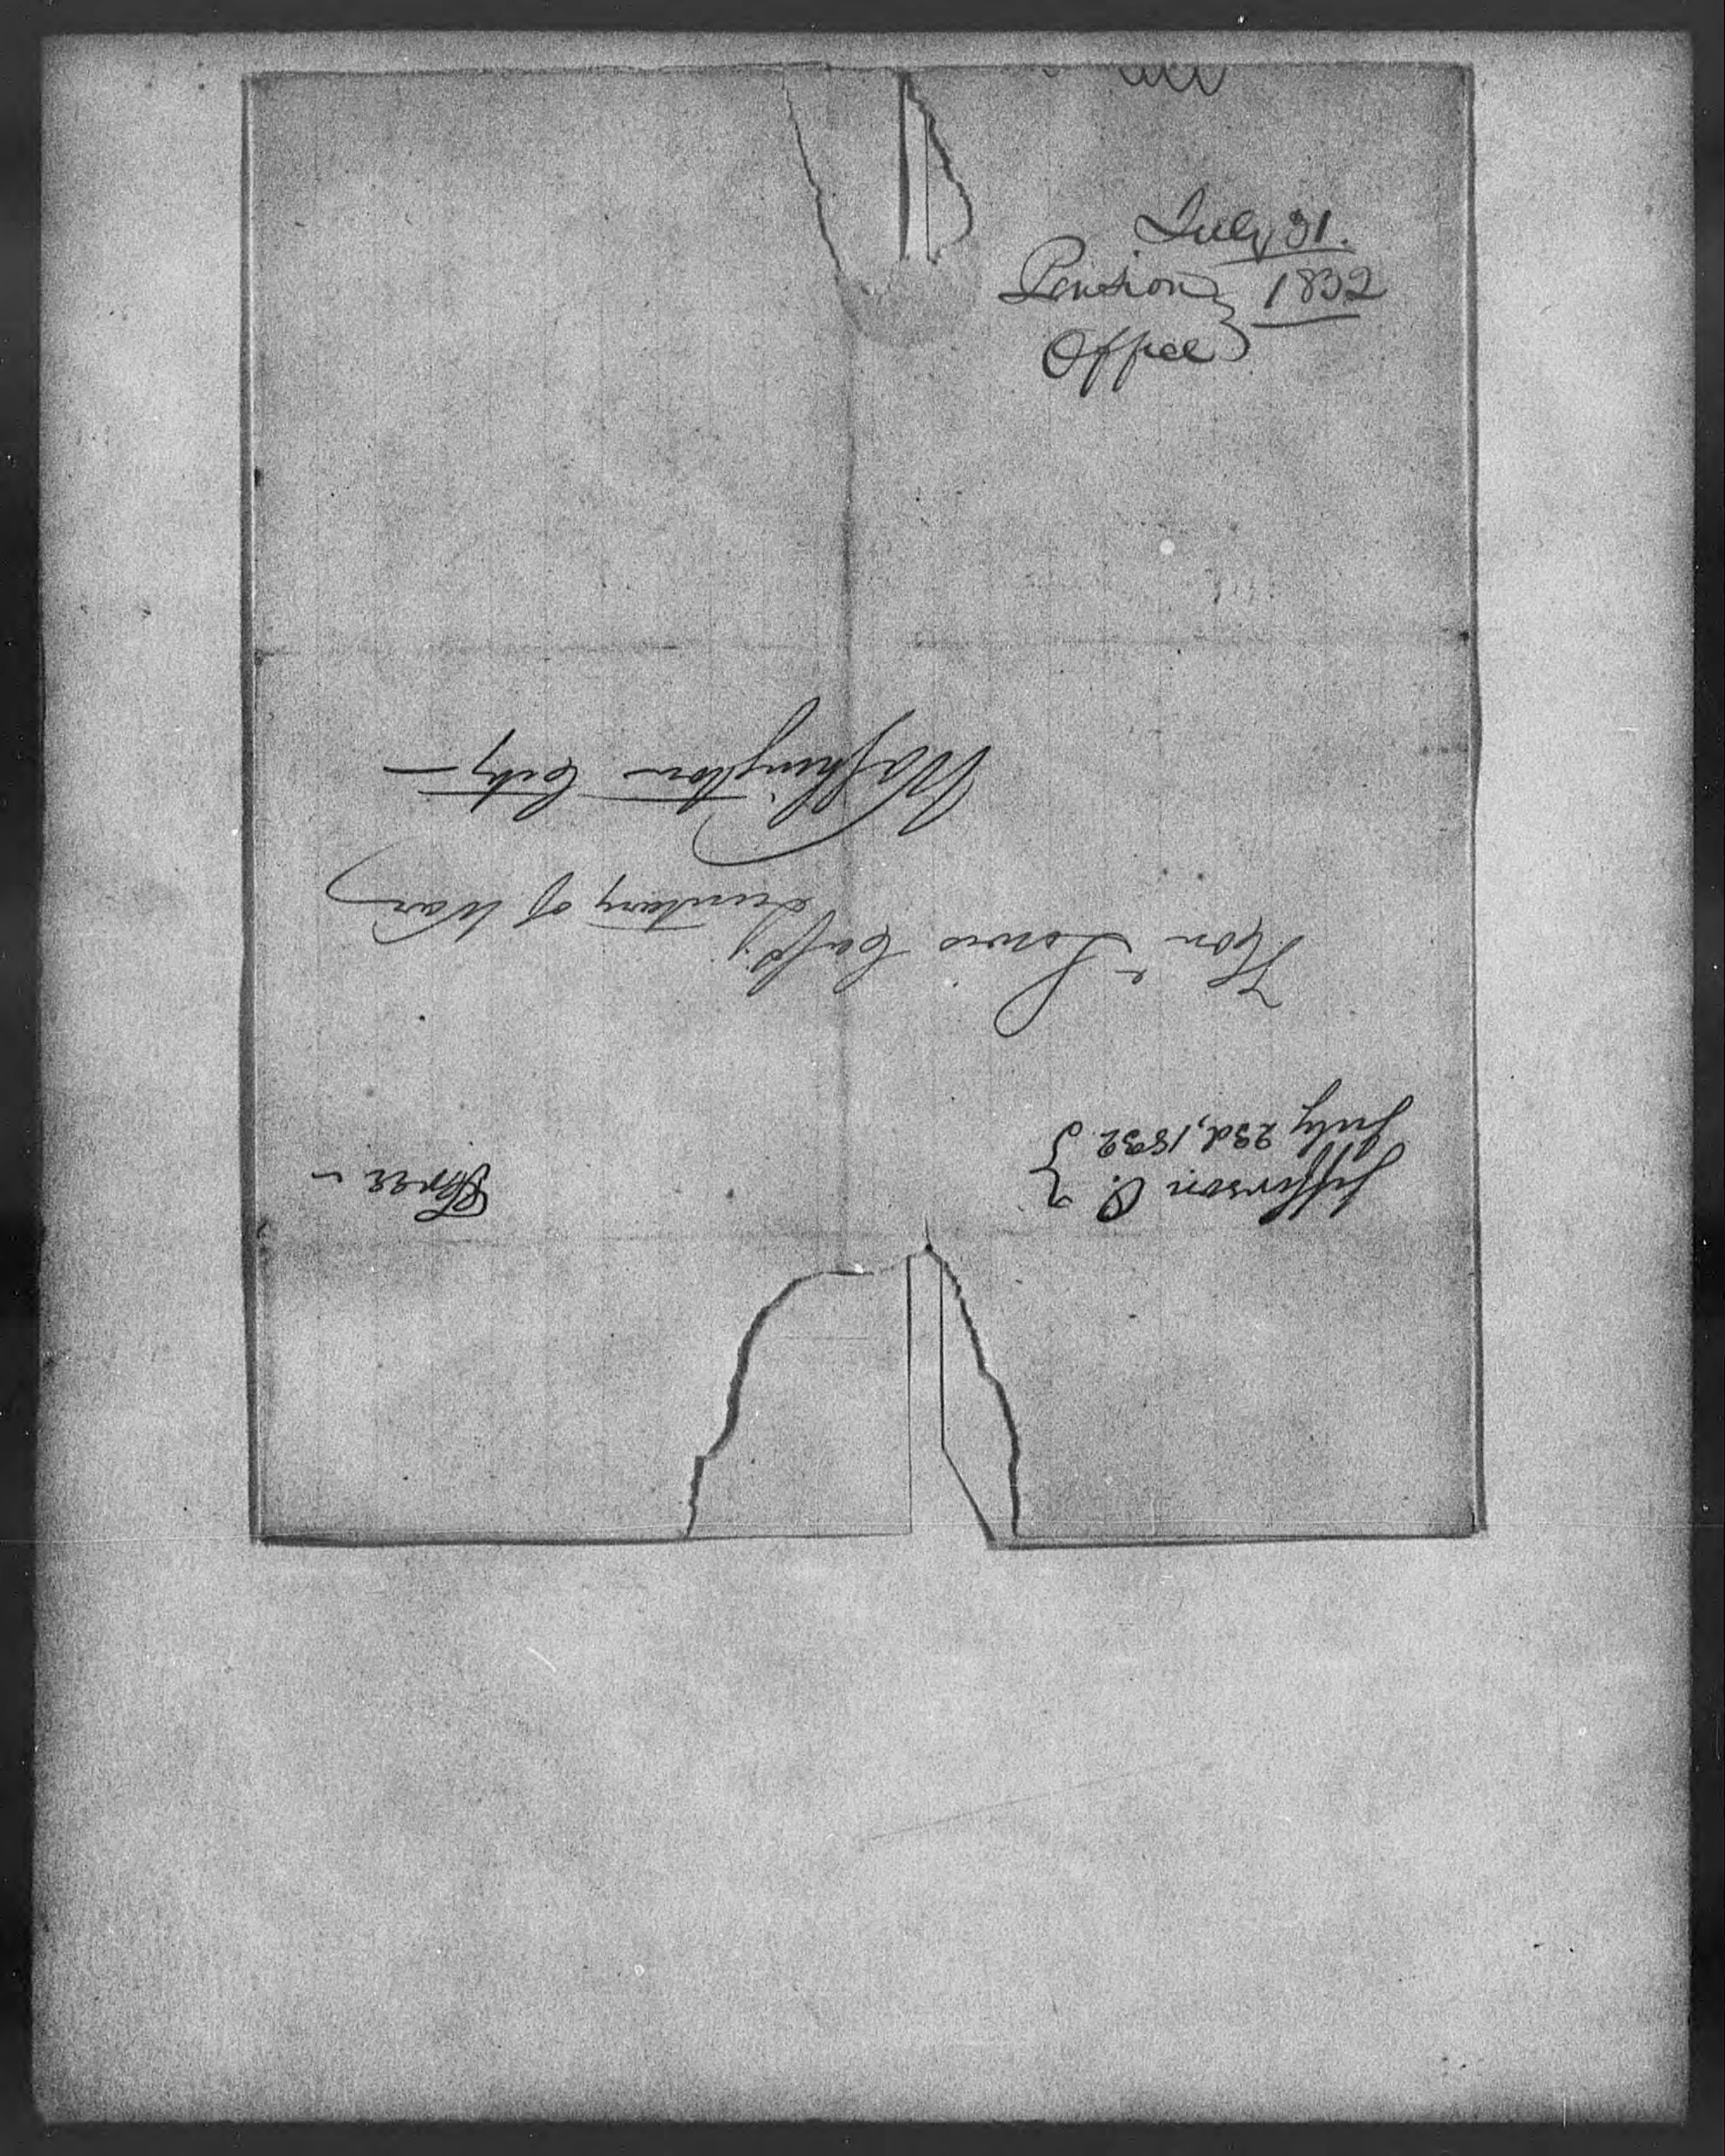July 31, 1832
                                       Pension 
                                       Office   


Jefferson O.                                         Free
July 23rd, 1832

           Hon. Lewis Cass
                        Secretary of War
               Washington City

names: Lewis Cass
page: 9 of 45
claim: widow's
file: W. 4988, Durlin Hickok, Mass.